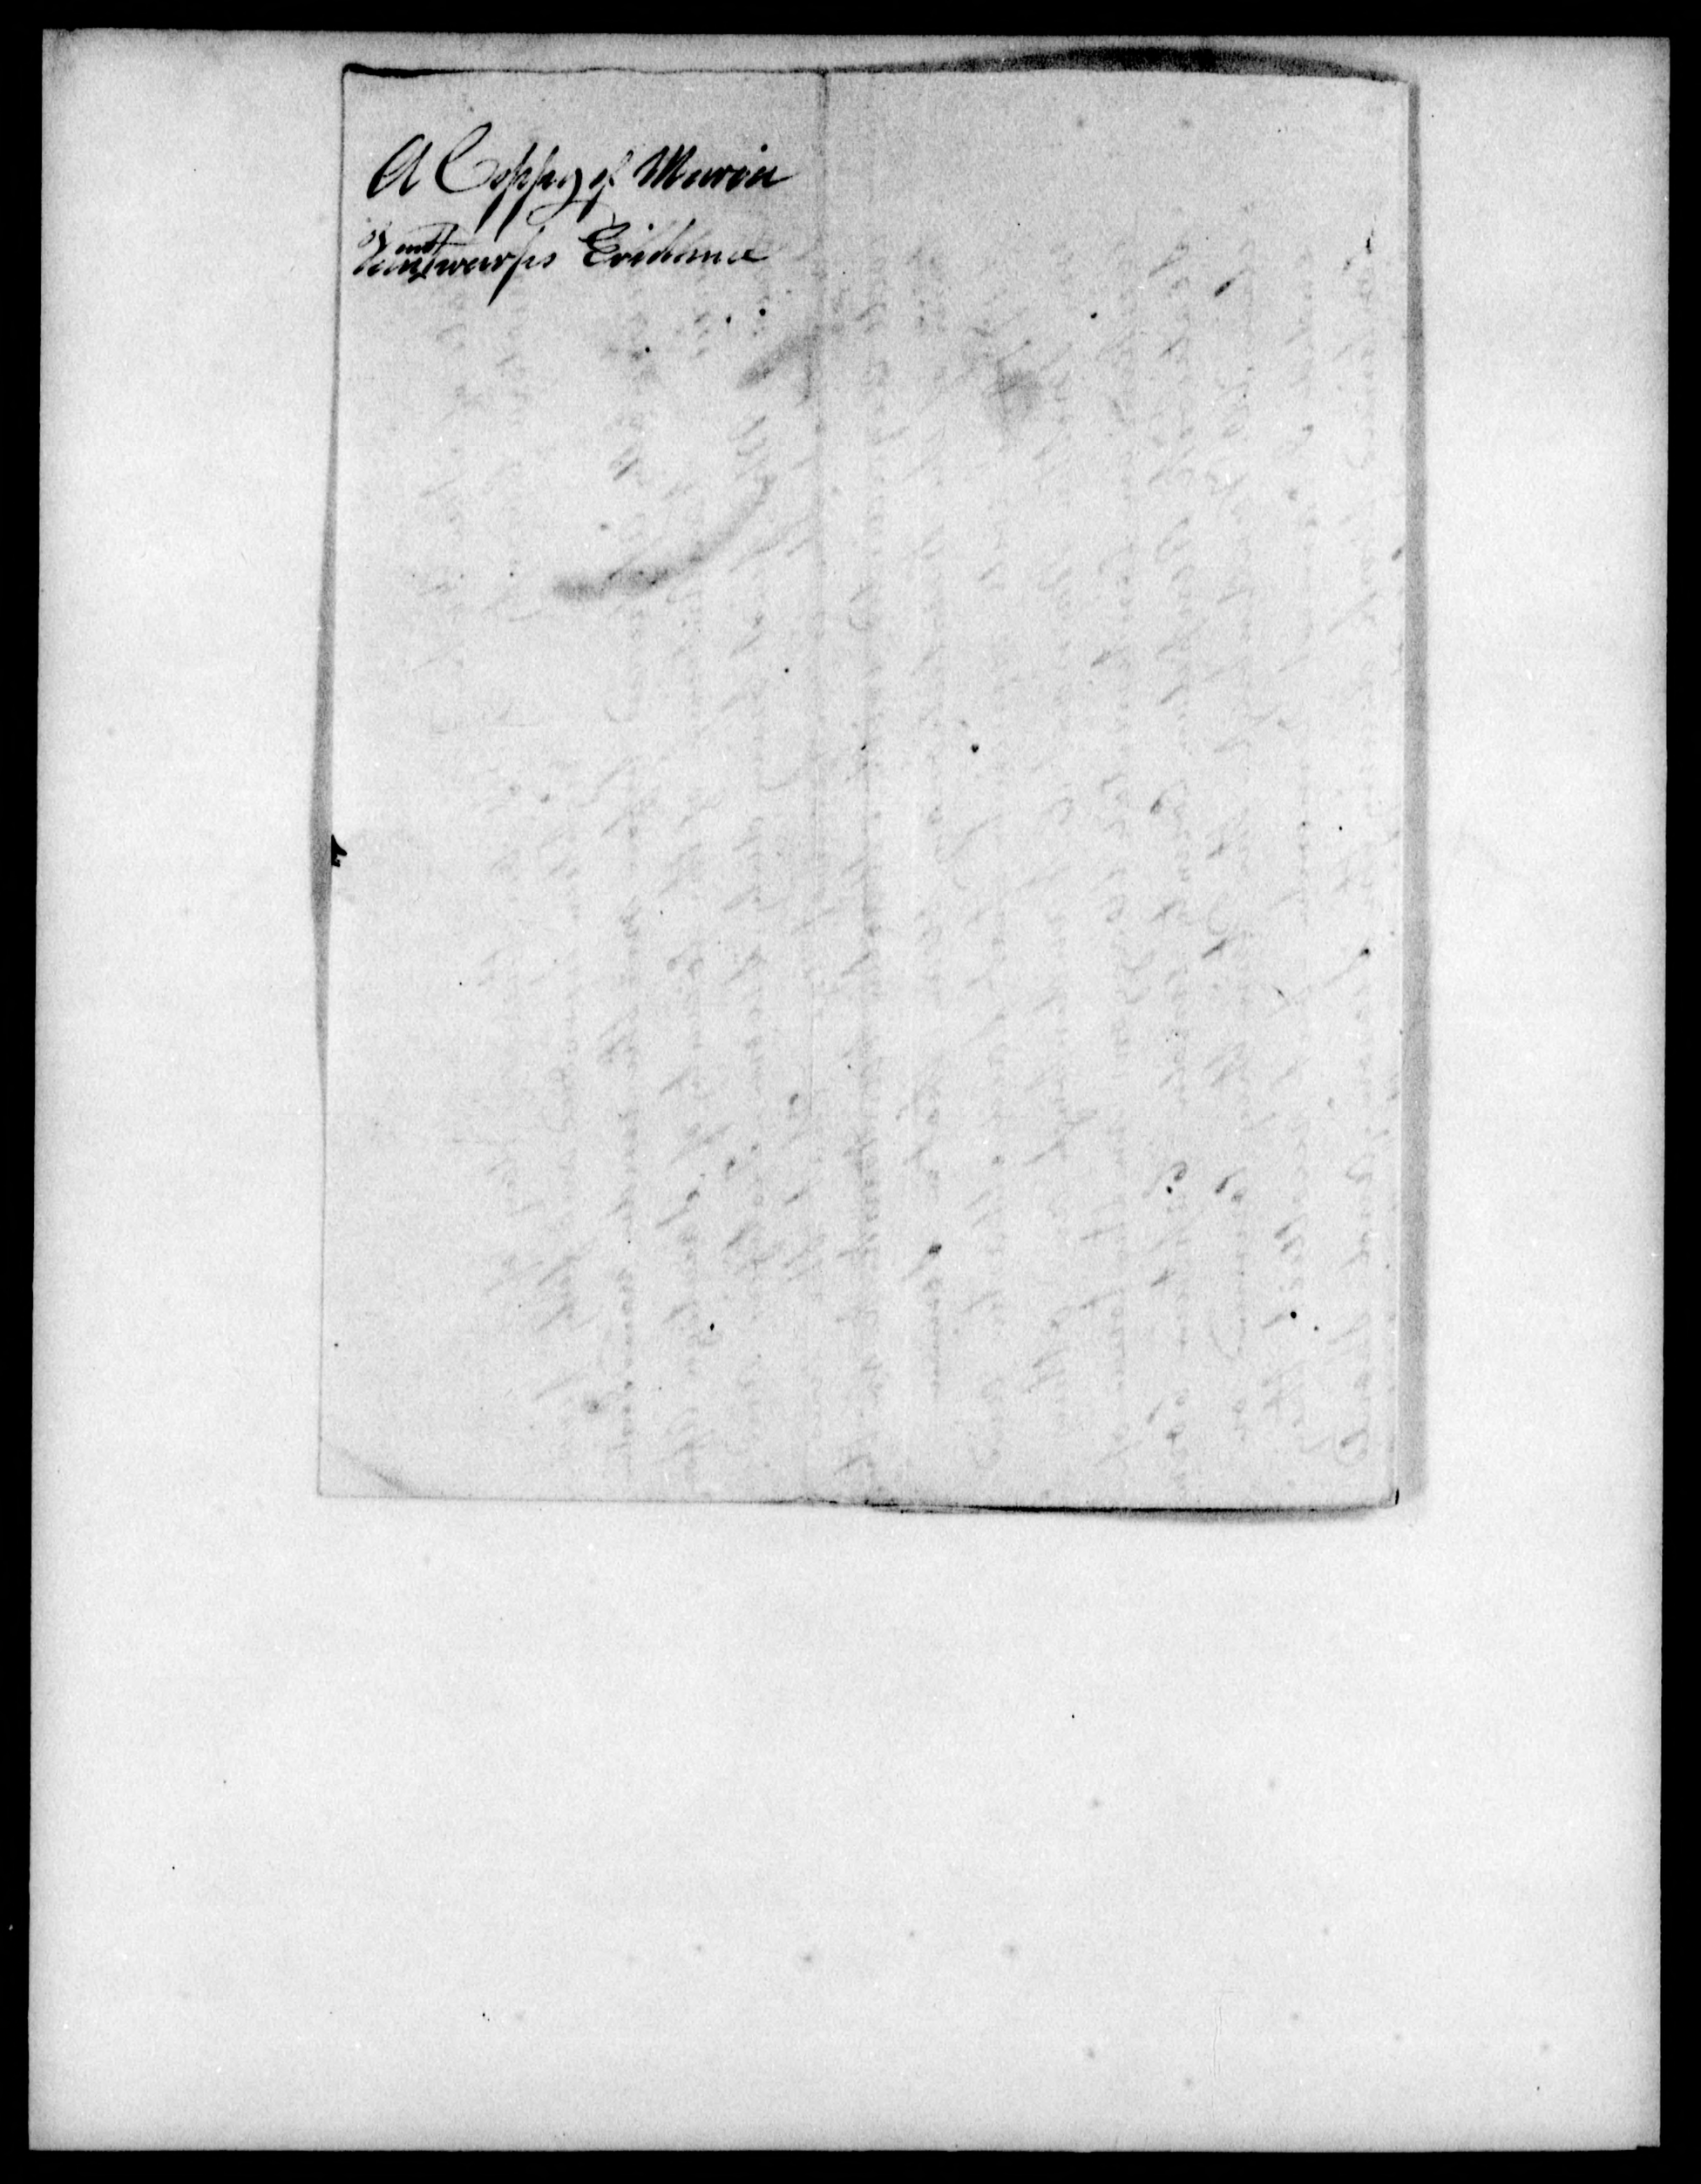A Coppy [copy] of Maria VanAntwerps Evidence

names: Maria Vanantwerp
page: 53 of 70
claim: rejected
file: R. 10,832, Martin Van Buskirk, New York.